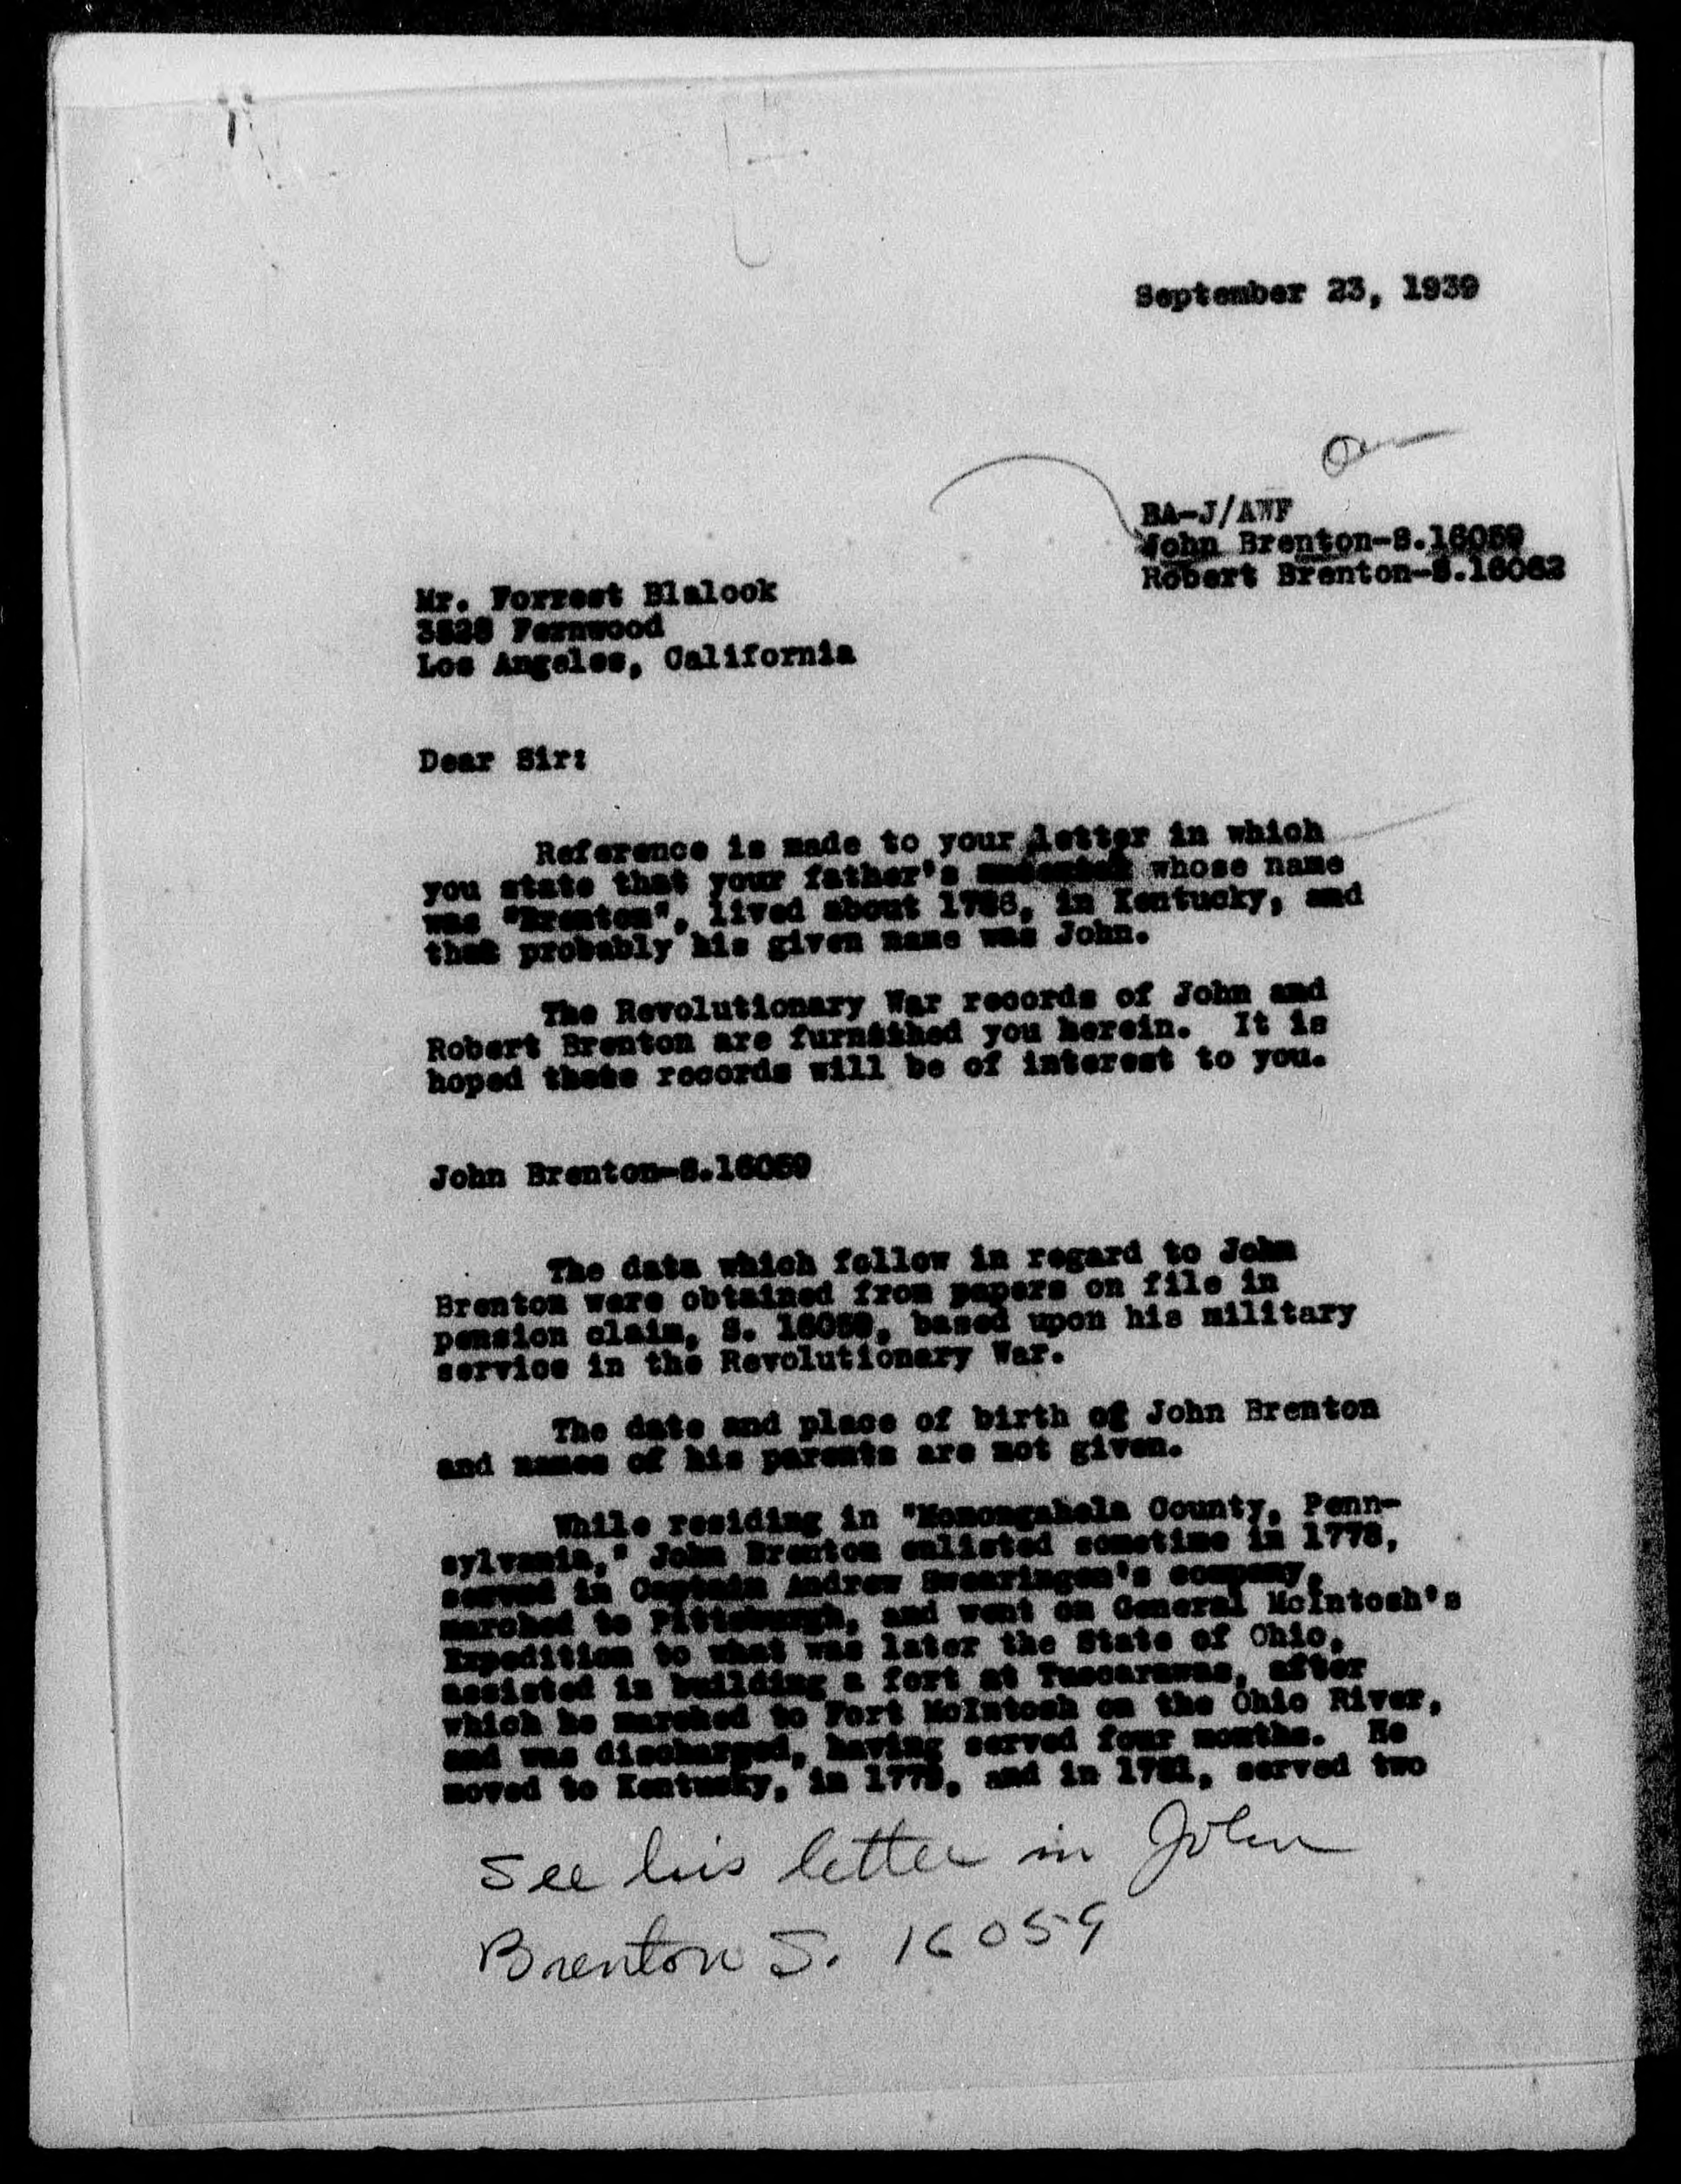September 23, 1939
BA-J/AWF
John Brenton-S.16059
Robert Brenton-S.16062
Mr. Forrest Blalook
3528 Fernwood
Los Angeles, California
Dear Sir"
Reference is made to your letter in which you state that your father's surname whose name was "Brenton," lived about 1786, in Kentucky, and that probably his given name was John.
The Revolutionary War records of John and Robert Brenton are furnished you herein. It is hoped these records will be of interest to you.
John Brenton--S.16059
The data which follow in regard to John Brenton were obtained from papers on file in pension claim, S. 16059, based upon his military service in the Revolutionary War.
The date and place of birth of John Brenton and names of his parents are not given.
While residing in "Monongahala County, Pennsylvania," John Brenton enlisted sometime in 1778, served in Captain Andrew Swearingen's company, marched to Pittsburgh, and went on General McIntosh's Expedition to what was later the State of Ohio, assisted in building a fort at Tuscarawas, after which he marched to Fort McIntosh on the Ohio River, and was discharged, having served four months. He moved to Kentucky, in 17789, served two
[written on bottom of document: "See his letter in John Brenton S.16059"]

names: Robert Brenton, John Brenton, Forrest Blalock, John, John Brenton, Robert Brenton, John Brenton, John Brenton, John Brenton, John Brenton, John Brenton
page: 23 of 26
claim: survivor's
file: S. 16059, John Brenton, Penn. Va.